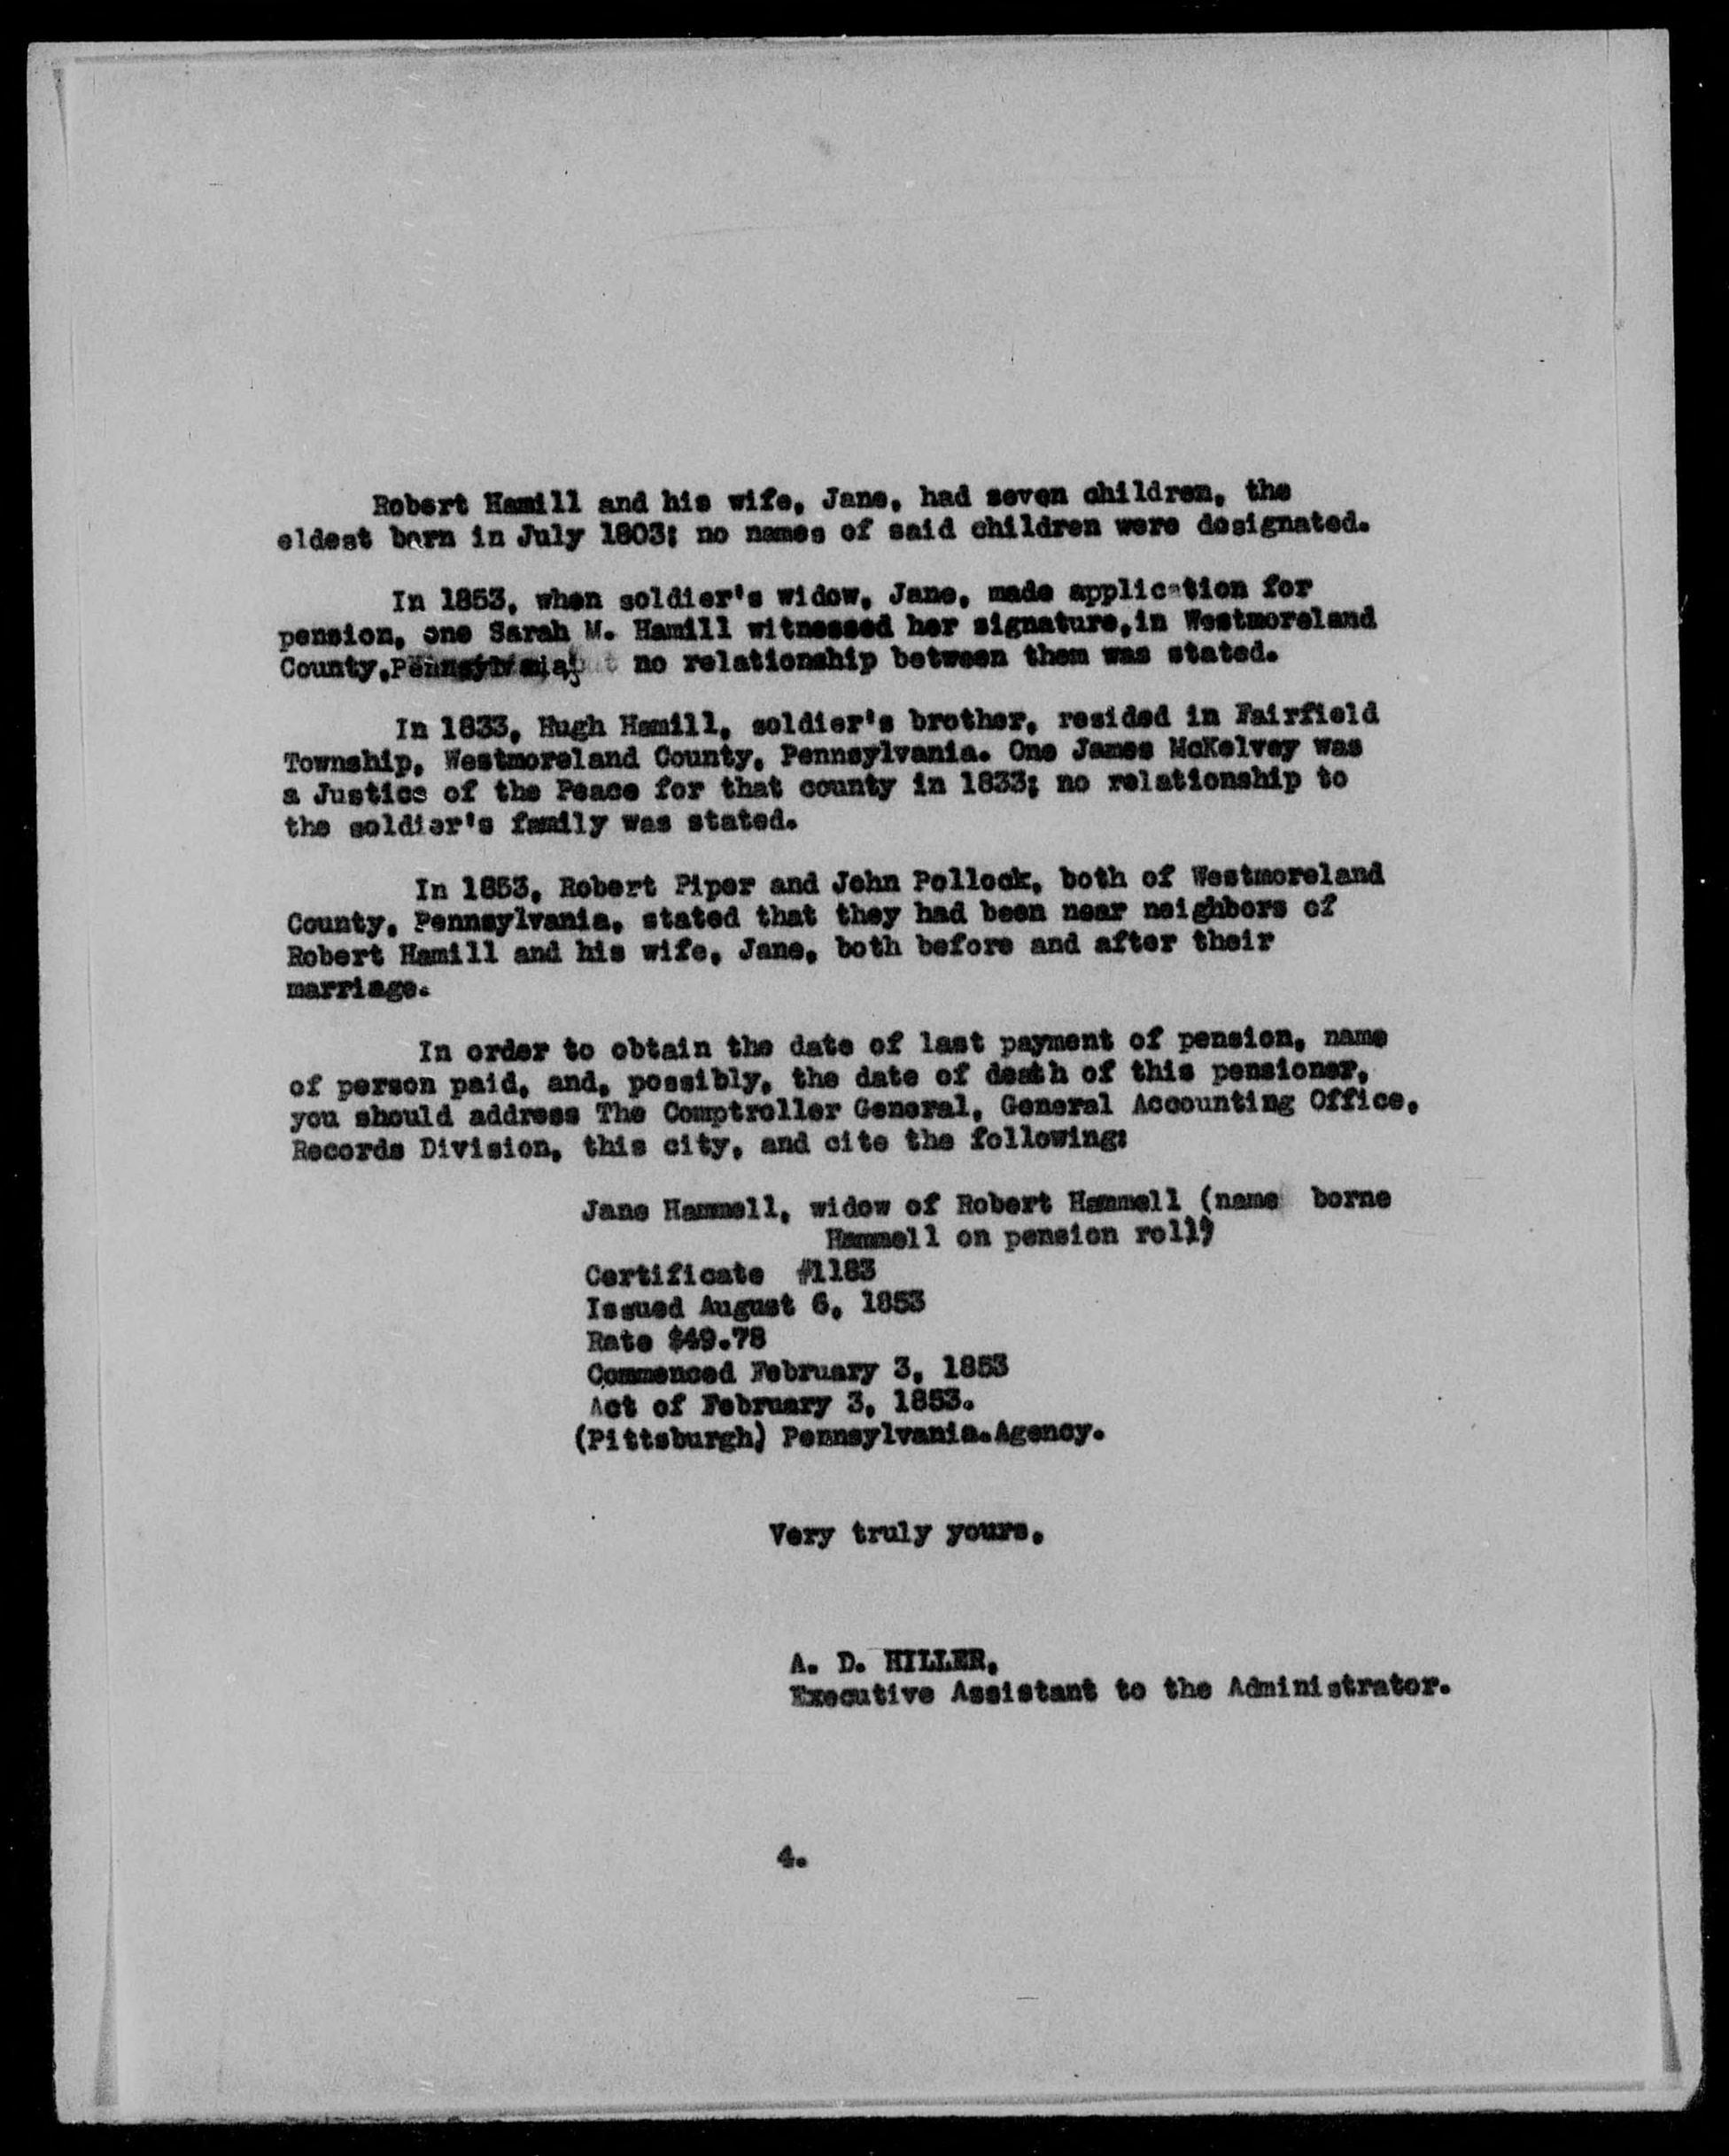Robert Hamill and his wife, Jane, had seven children, the eldest born in July 1803; no names of said children were designated.

In 1853, when soldier's widow, Jane, made application for pension, one Sarah M. Hamill witnessed her signature, in Westmoreland
County, Pennsylvania, no relationship between them was stated.

In 1833, Hugh Hamill, soldier's brother, resided in Fairfield Township, Westmoreland County, Pennsylvania. One James McKelvey was a
Justice of the Peace for that county in 1833; no relationship to the soldier's family was stated.

In 1853, Robert Piper and John Pollock, both of Westmoreland County, Pennsylvania, stated that they had been near neighbors of
Robert Hamill and his wife, Jane, both before and after their marriage.

In order to obtain the date of last payment of pension, name of person paid, and, possibly, the date of death of this pensioner, you should address The Comptroller General, General Accounting Office, Records Division, this city, and cite the following:

Jane Hammell, widow of Robert Hammell (name borne Hammell on pension roll)
Certificate #1183
Issued August 6, 1853
Rate $49.78
Commenced February 3, 1853
Act of February 3, 1853.
(Pittsburgh) Pennsylvania. Agency.
Very truly yours,
A. D. HILLER,
Executive Assistant to the Administrator

4.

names: Jane, Sarah M Hamill, James Mc Kelvey, Robert Hammell, Jane Hamill, Robert Hammell, Robert Hamill, John Pollock, Robert Hamill, Robert Piper, A D Hiller, Jane Hammell, Jane Hamill, Hugh Hamill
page: 52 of 92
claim: widow's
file: W 1173, Robert Hamill, Penn.